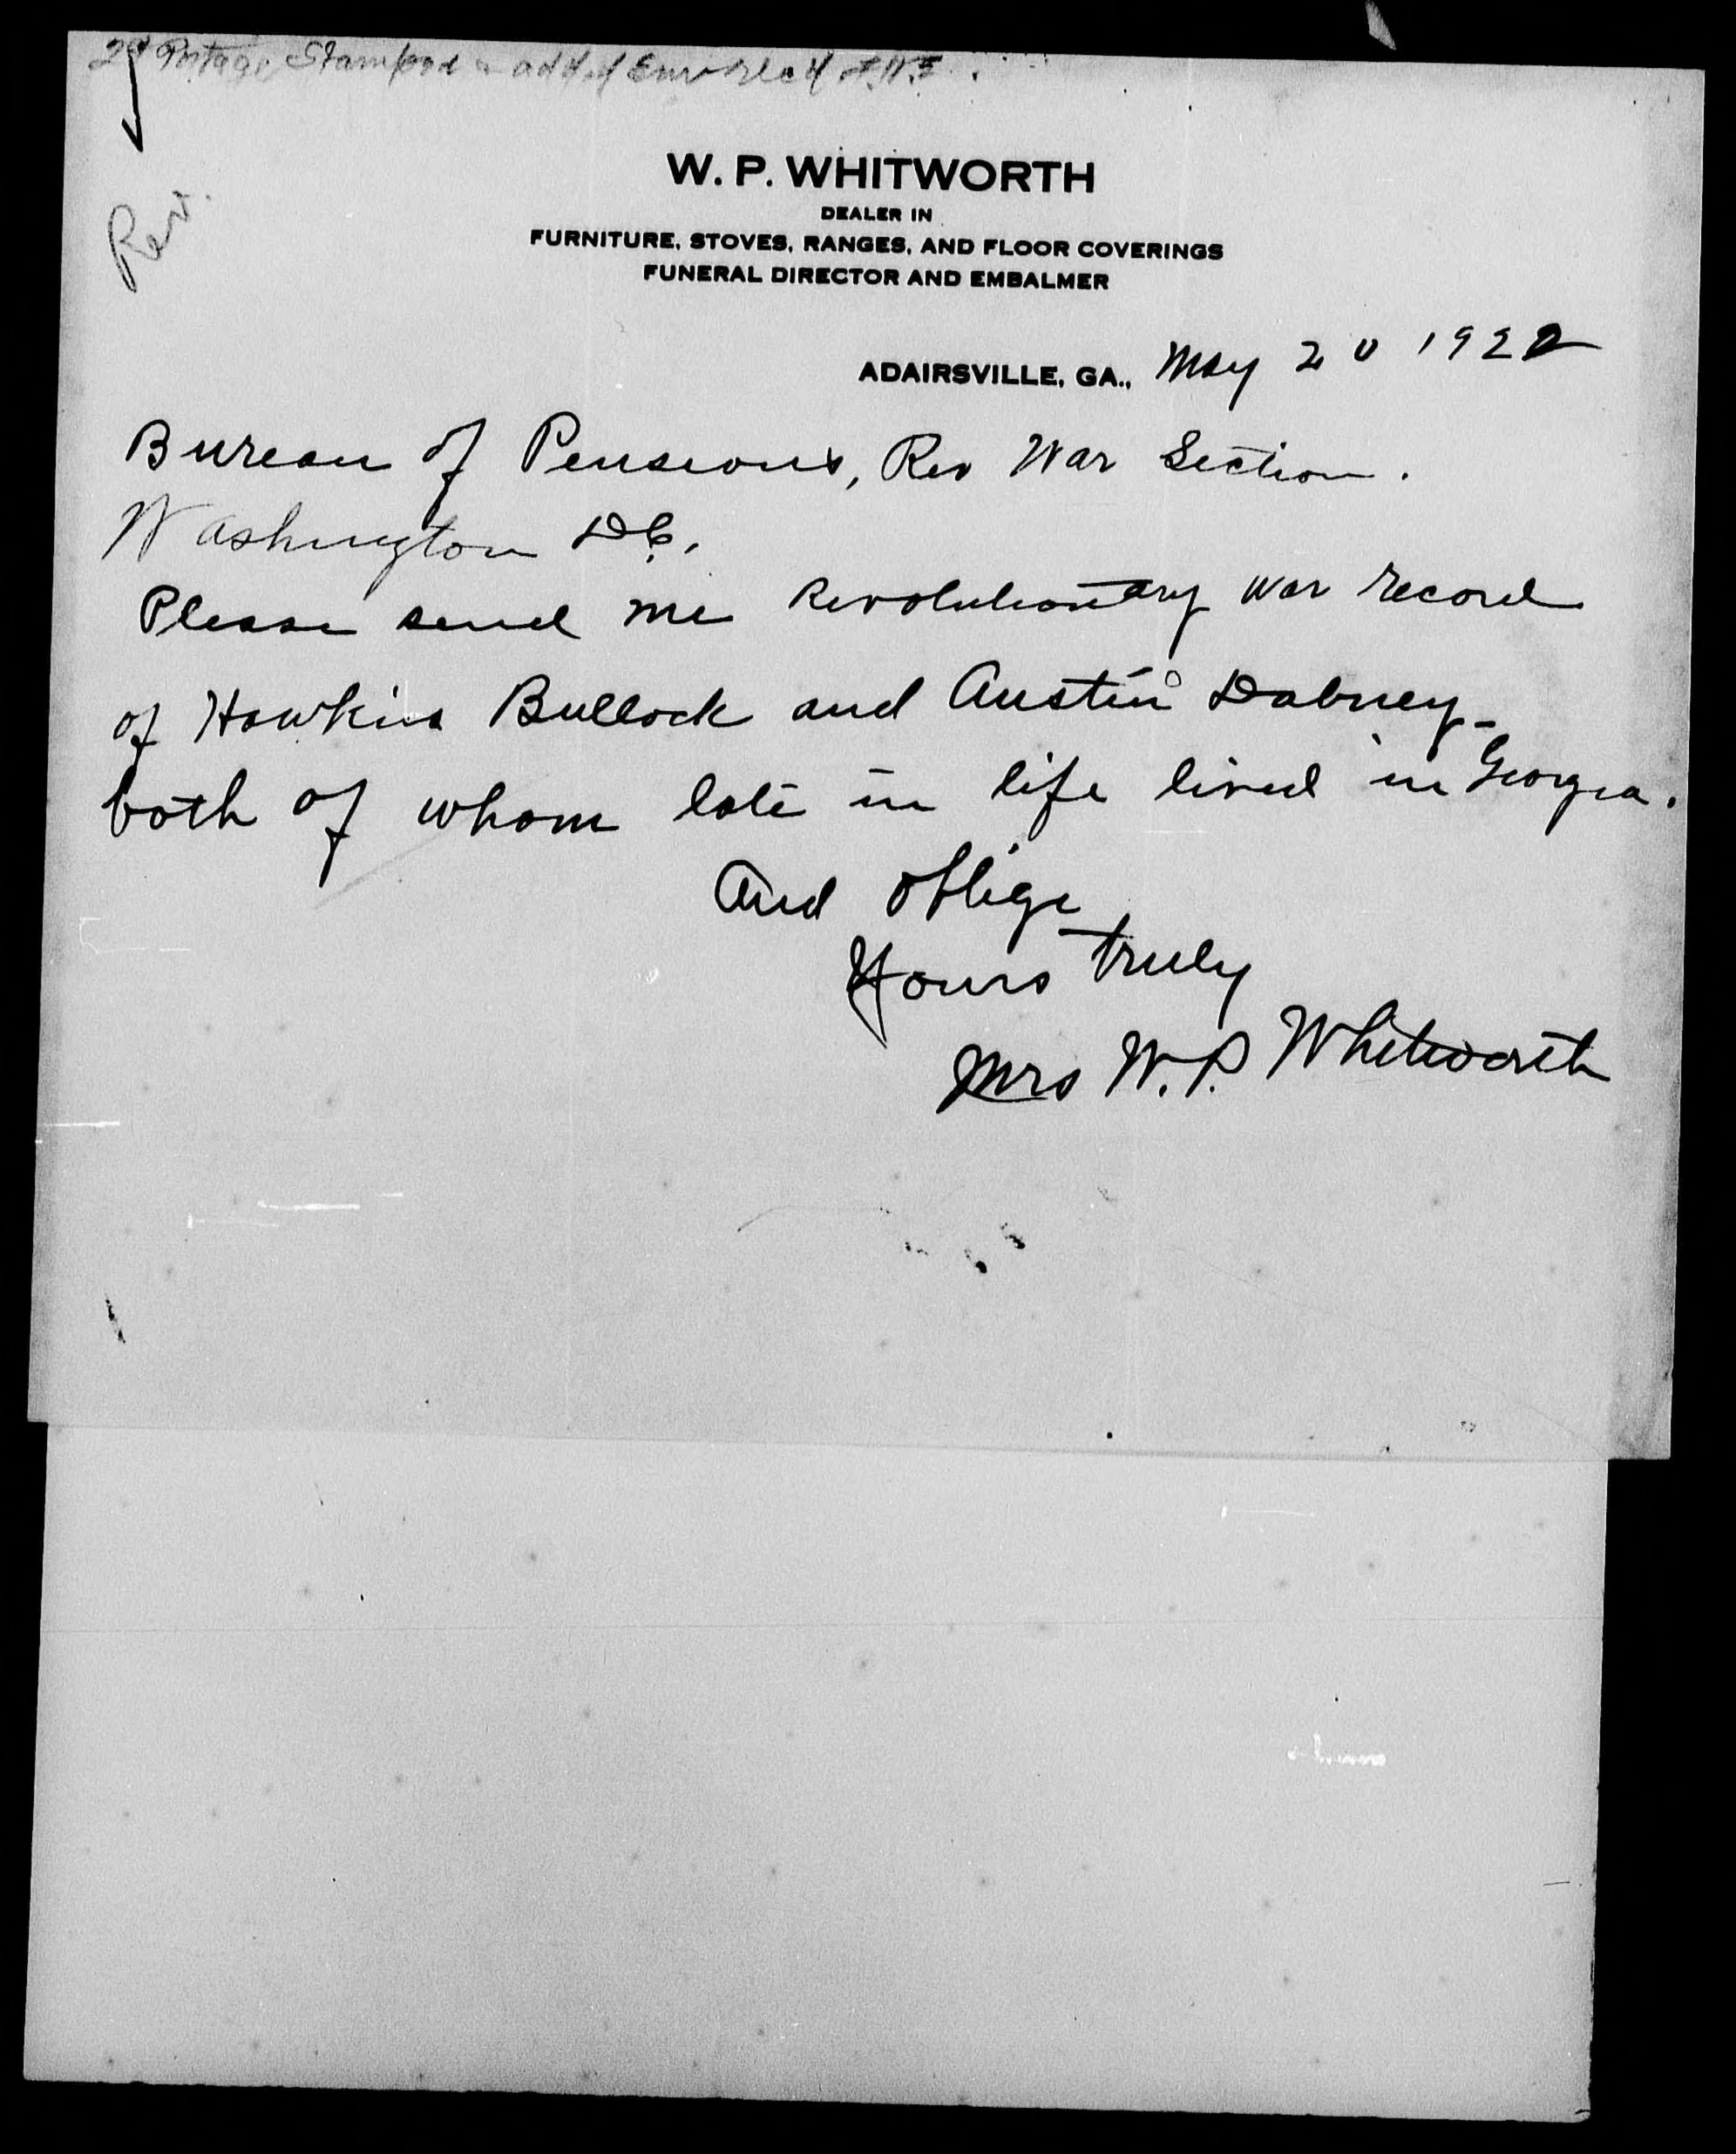2 postage stamped & add if env recd F.H.E.
Rev.

W. P. WHITWORTH
DEALER IN
FURNITUNE, STOVES, RANGES, AND FLOOR COVERINGS
FUNERAL DIRECTOR AND EMBALMER
ADAIRSVILLE, GA., May 20 1922

Bureau of Pensions, Rev War Section
Washington D.C.

Please send me Revolutionary War record of Hawkins Bullock and Austin Dabney both of whom late in life lived in Georgia.
and oblige
Yours truly
Mrs W. P. Whitworth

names: Hawkins Bullock, Austin Dabney, W P Whitworth, W P Whitworth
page: 15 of 24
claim: survivor's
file: S. 31,586, Hawkins Bullock, S.C.